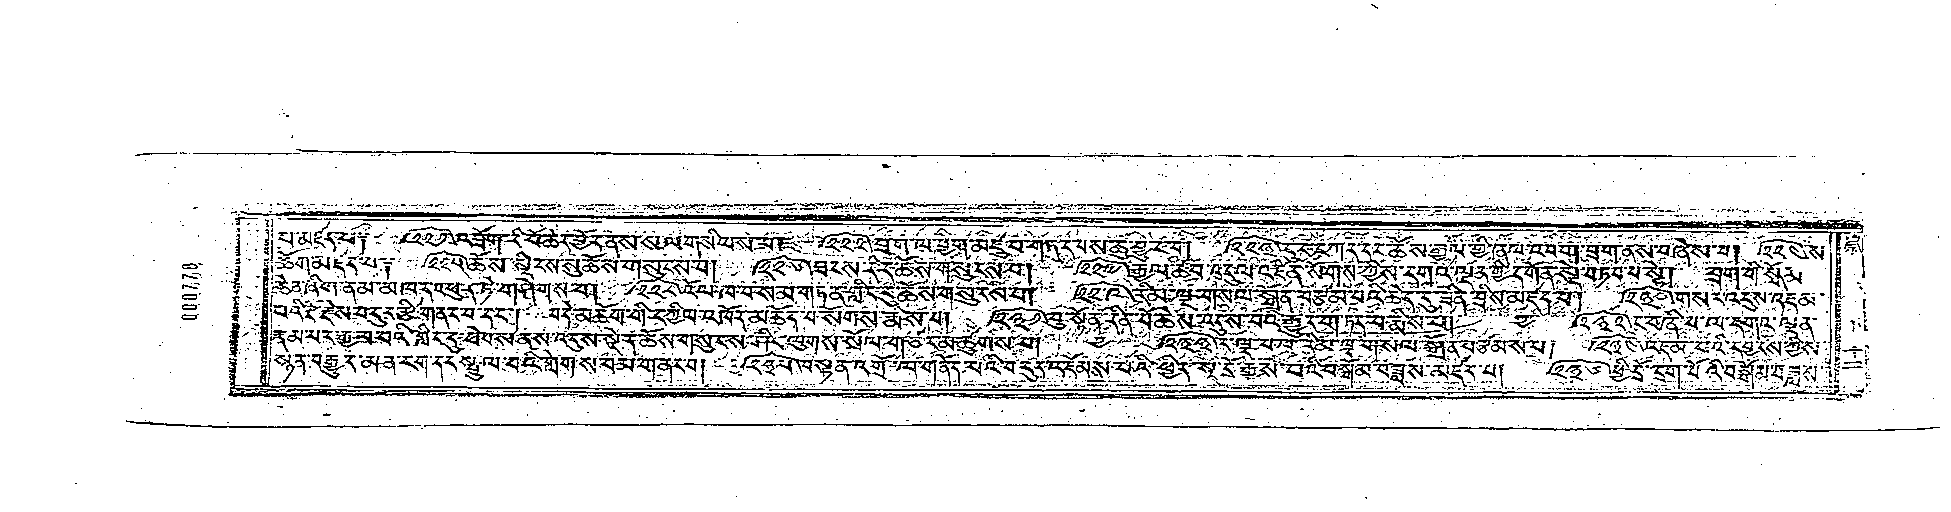པ་མཛད་པ༑ ༼༢༢༡?་འབྲོག་རི་བོ་ཆེར་བྱོན་ནས་སལ་གསིལ་པ། ༽༢༢༢?་བྲག་ལ་ཕྱག་མཛུབ་གཏད་པས་ཆུ་བྱུང་བ། ༼༢༢༣?་དུང་དཀར་དང་ཆོས་རྒྱལ་གྱི་ཞལ་འབག་བྲག་ནས་བཞེས་པ། ༽༢༢༤?་ས་
ཆོག་མཛད་པ༑ ༼༢༢༥?་ཆོས་སྡིངས་སུ་ཆོས་གསུངས་པ། ༽༢༢༦?་ཐངས་རིར་ཆོས་གསུངས་པ། ༢༢༧?་རྒྱལ་ཚབ་འདུལ་འཛིན་སོགས་ཀྱིས་དགའ་ལྡན་གྱི་དགོན་སྡེ་བཏབ་པ་སྟེ། བྲག་གི་སྒོམ་
ཆེན་ཞིག་ནམ་མཁར་འཕུར་ཏེ་གཤེགས་བ། ༼༢༢༨?་འོལ་ཁ་བསམ་གཏན་གླིང་དུ་ཆོས་གསུངས་པ། ༽༢༢༩?་རིམ་ལྔ་གསལ་སྒྲོན་བརྩམ་པའི་ཆེད་དུ་ཟིན་བྲིས་མཛད་པ། ༢༣༠?་གསང་འདུས་འཇམ་
པའི་རྡོ་རྗེས་བདུད་རྩི་གནང་བ་དང་། བདེ་མཆོག་གི་དཀྱིལ་འཁོར་མཆོད་པ་སོགས་རྨིས་པ། ༼༢༣༡?་བུ་སྟོན་རིན་བོ་ཆེས་འདུས་བའི་རྒྱུད་གཏད་པ་རྨིས་པ། ༧་༽༢༣༢?་ང་བཞི་པ་ལ་དགའ་ལྡན་
རྣམ་པར་རྒྱལ་བའི་གླིང་དུ་ཕེབས་ནས་འདུས་སྡེར་ཆོས་གསུང་ས་ཤིང་ལུགས་སྲོལ་གཙང་མ་ཚུགས་པ། ༧ ༼༢༣༣?་ང་ལྔ་པ་ལ་རིམ་ལྔ་གསལ་སྒྲོན་བརྩམས་པ། ༽༢༣༤?་འཇམ་པའི་དབྱངས་ཀྱིས་
སྙན་བརྒྱུད་མན་ངག་དང་སྤྲུལ་བའི་གླེགས་བམ་གནང་བ། ༼༢༣༥?་བསྟན་འགྲོ་ལ་གནོད་པའི་བདུད་འཇོམས་པའི་ཕྱིར་སྔ་དྲོ་རྒྱས་པའི་བསྒོམ་བཟླས་མཛད་པ། ༽༢༣༦?་ཕྱི་དྲོ་དྲག་པོའི་བསྒོམ་བཟླས་